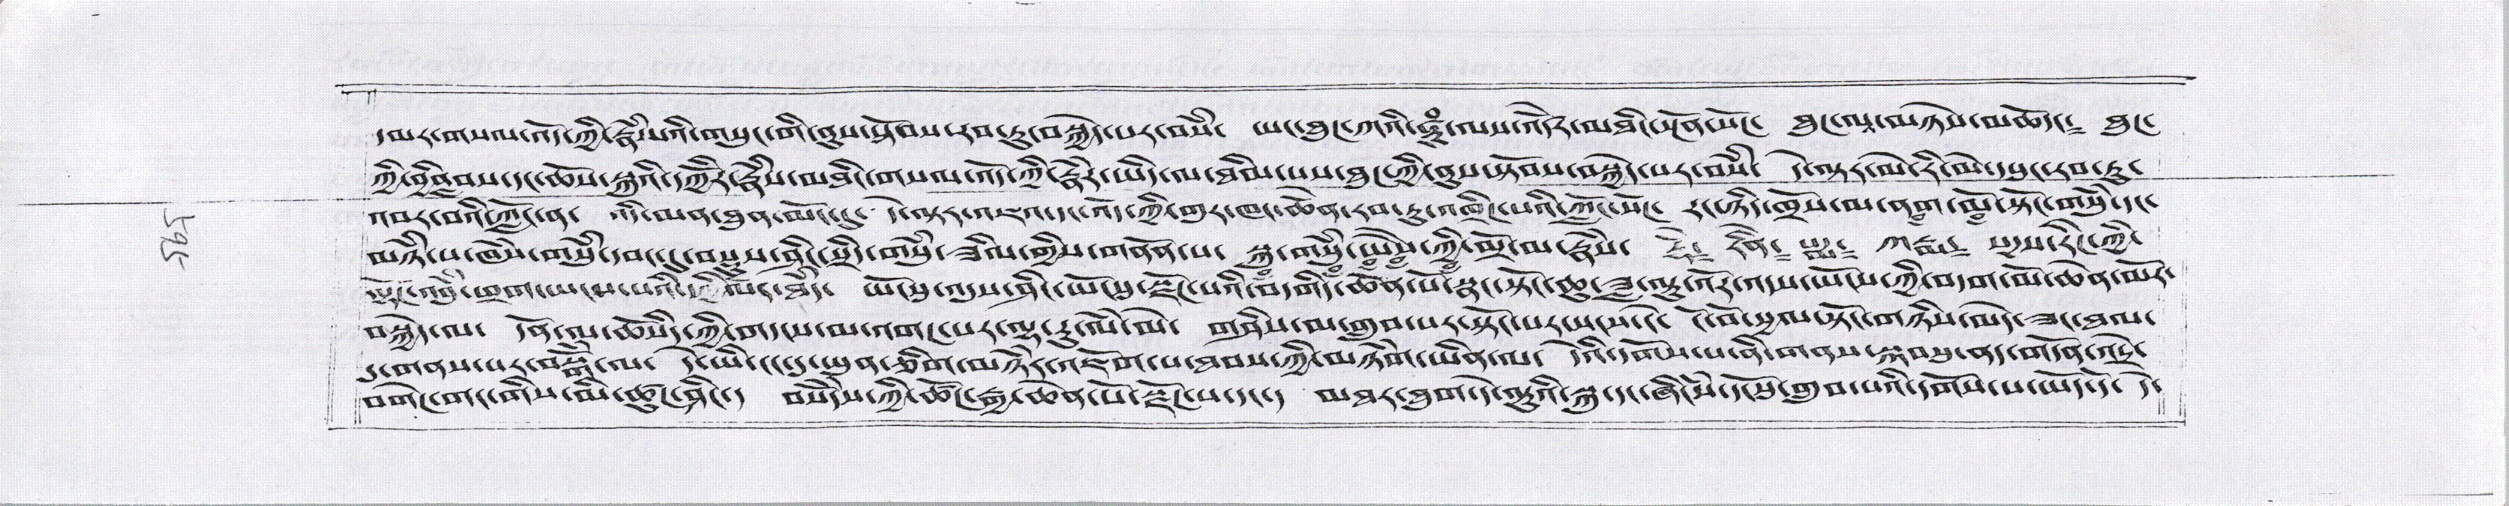དམར་གསལ་འོད་ཀྱི་རྣམ་པའི་གསུང་གི་ནུས་སྟོབས་རབ་ཏུ་བསྐྱེད་པར་བསམ། ཡང་ཐུགས་ཁའི་ཧཱུཾ་ལས་འོད་ཟེར་མཐིང་སྔོན་སོགས་ཐུགས་ལས་མཉེས་མཆོད་དང་། ཐུགས་
ཀྱི་བྱིན་རླབས་དང་ཆོས་སྐུའི་དཀྱིལ་འཁོར་རྣམས་མཐིང་གསལ་འོད་ཀྱི་རྣམ་པར་ཡིད་ལ་ཐིམས་པས་ཐུགས་ཀྱི་ནུས་སྟོབས་བསྐྱེད་པར་བསམ། དེ་ལྟར་མེ་རི་མེ་དཔུང་རབ་ཏུ་
འབར་བའི་ཀློང་ན། ༼འདི་མན་ཐུན་མོང་དུ༽དེ་ལྟར་འཇའ་དང་འོད་ཀྱི་གུར་ཁང་རབ་ཏུ་འཁྲིགས་པའི་ཀློང་སོགས། རང་ཉིད་ཁྲོས་མ་ནག་མོ་སྟོང་གསུམ་དང་
མཉམ་པ་ཁམས་གསུམ་དབང་དུ་བསྡུས་ཤིང་སྲིད་གསུམ་ཟིལ་གྱིས་གནོན་པ། སྐུ་གསུམ་ཡེ་ཤེས་ཀྱི་མཁའ་འགྲོ་མ་རྣམས། རྡོ་རྗེ་རིན་ཆེན་པདྨ་ཀརྨ་སངས་རྒྱས་རིགས་ཀྱི་
ལྷ་ཚོགས་འབུམ་ཕྲག་ཡངས་པའི་དཀྱིལ་འཁོར་ཐམས་ཅད་ཡོངས་སུ་འདུས་ཤིང་ཡོངས་སུ་རྫོགས་པའི་བདག་ཉིད་ཆེན་པོ་སྣང་སྟོང་ཆུ་ཟླ་ལྟ་བུར་འཁོར་འདས་ཡོངས་ཀྱི་བདག་མོ་ཆེན་མོར་
བསྐྱེད་ལ། དོན་ལ་ཆོས་ཉིད་ཀྱི་གདངས་མ་འགག་པར་ལྷ་རུ་ལམ་མེ། གཤིས་མ་གྲུབ་པར་སྟོང་པར་སང་ངེ་། ངོ་བོ་གསལ་སྟོང་གཉིས་མེད་ཟང་ཐལ་
དུ་གནས་པར་བསྒོམ་ལ། དེ་ཡི་ངང་དུ་ཡུན་གཅིག་མཉམ་པར་འཇོག་པ་ཐབས་ཀྱི་མཉམ་གཞག་ཡིན་ལ། དེའི་དགོས་པ་ནི་གནས་སྐབས་སུ་ནད་གདོན་འདྲེ་
བགེགས་གང་གིས་མི་ཚུགས་ཤིང་། བསོད་ནམས་ཀྱི་ཚོགས་རྒྱ་ཆེན་པོ་རྫོགས་པ་དང་། མཐར་ཐུག་དེ་ལྟ་བུའི་སྐུ་དང་ཞིང་ཁམས་དངོས་སུ་གྲུབ་པའི་དགོས་པ་ཡོད་དེ། དེ་